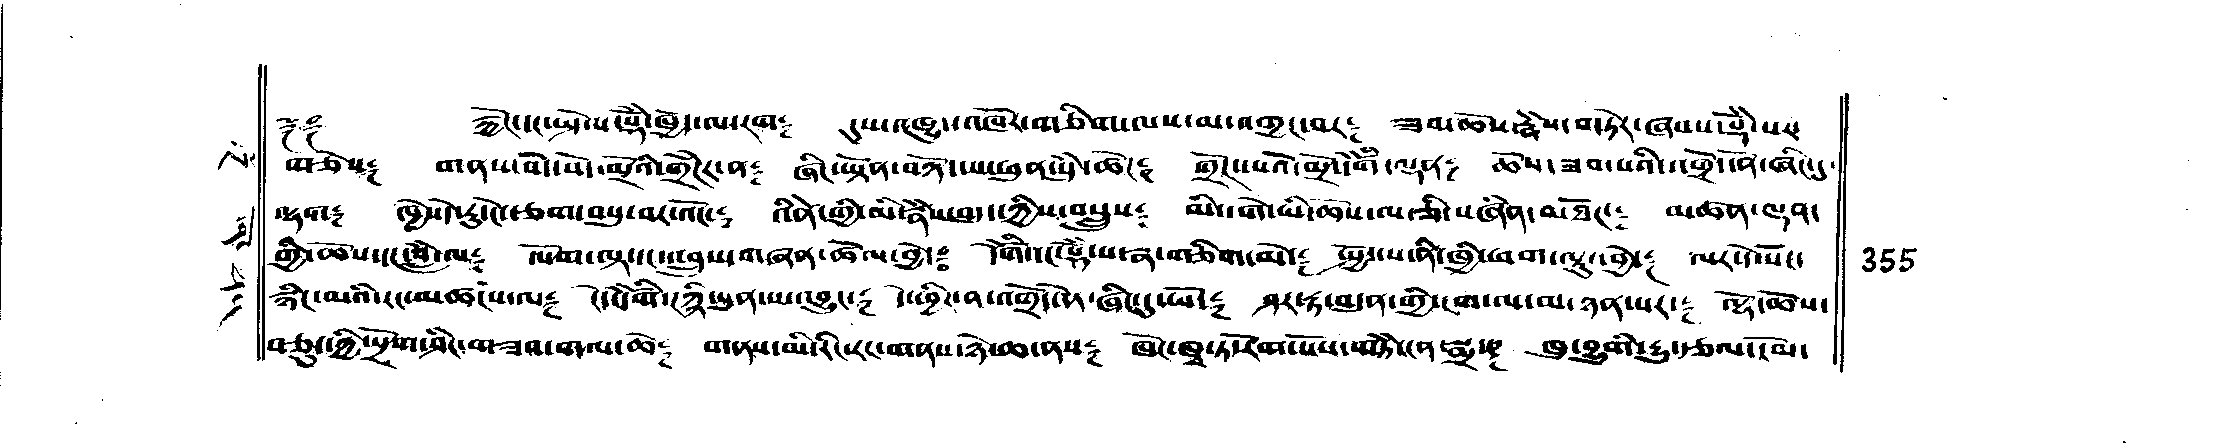སྐྱོང་དང་སྤེལ་སྡོམ་ཁྱོད་ལ་རག །དུས་འཁྱུད་འཁོར་གཅིག་ལས་མ་འགྱང་བར། །ཟབ་ཆོས་རྣམས་གཏེར་ཞབས་སྡོམ་པར་
གཅེས། །གནས་བདེ་སྟོང་མཁའ་འགྲོའི་གྲོང་ཁྱེར་ན། །ཞིང་ཡོན་ཏན་བཀོད་པ་ཕུན་སུམ་ཚོགས། །གྲོགས་དཔའ་བོ་མཁའ་འགྲོ་དམ་ཚིག་ལྡན། །ཆོས་ཟབ་པའི་འགྲོ་དོན་ཞིང་དུ་
ལྷག།ཁྱེད་དེ་རུ་ངེད་ཅག་བསུ་བར་འོང་། །འཇིག་རྟེན་གྱི་མི་རྣམས་བདུད་ཀྱིས་བསླུས། །མི་དགེ་ཡི་ཆོས་ལ་ཅི་བཞིན་མཐོང་། །མཚན་ལྡན་
གྱི་ཆོས་དང་བླ་མ་ལ། །ལོག་ལྟ་དང་འབྲས་བུ་གཞན་ཚོལ་བྱེད། །དམ་ཚིག་དང་སྡོམ་པ་སྣ་གཅིག་མེད། །སྤྱོད་པ་ནི་ཁྱི་ཕག་ལྟ་བུ་བྱེད། །ལར་དེ་སོགས་
སྙིགས་མའི་རང་མཚང་ལ། །ངེད་དམ་ཚིག་ཌཱཀྐི་སུན་པ་འབྱུང་། །དེ་ཕྱིར་ན་འགྲོ་དོན་ཞིང་དུ་ཡོད། །ཤར་རྟ་བདུན་གྱི་ངག་ལ་མ་ཉན་པར། །ལྷོ་ཆོས་
བཅུད་ཀྱི་སྲོག་ཤིང་གཟབ་གལ་ཆེ། །གནས་མི་རིང་རང་གནས་ཉེ་ཆ་ནས། །ཁོང་ཁྭ་ཏ་རོག་པོས་གཏམ་ངན་སྨྲ། །ཁུ་བྱུག་གི་སྒྱུ་རྩལ་ངོམ་